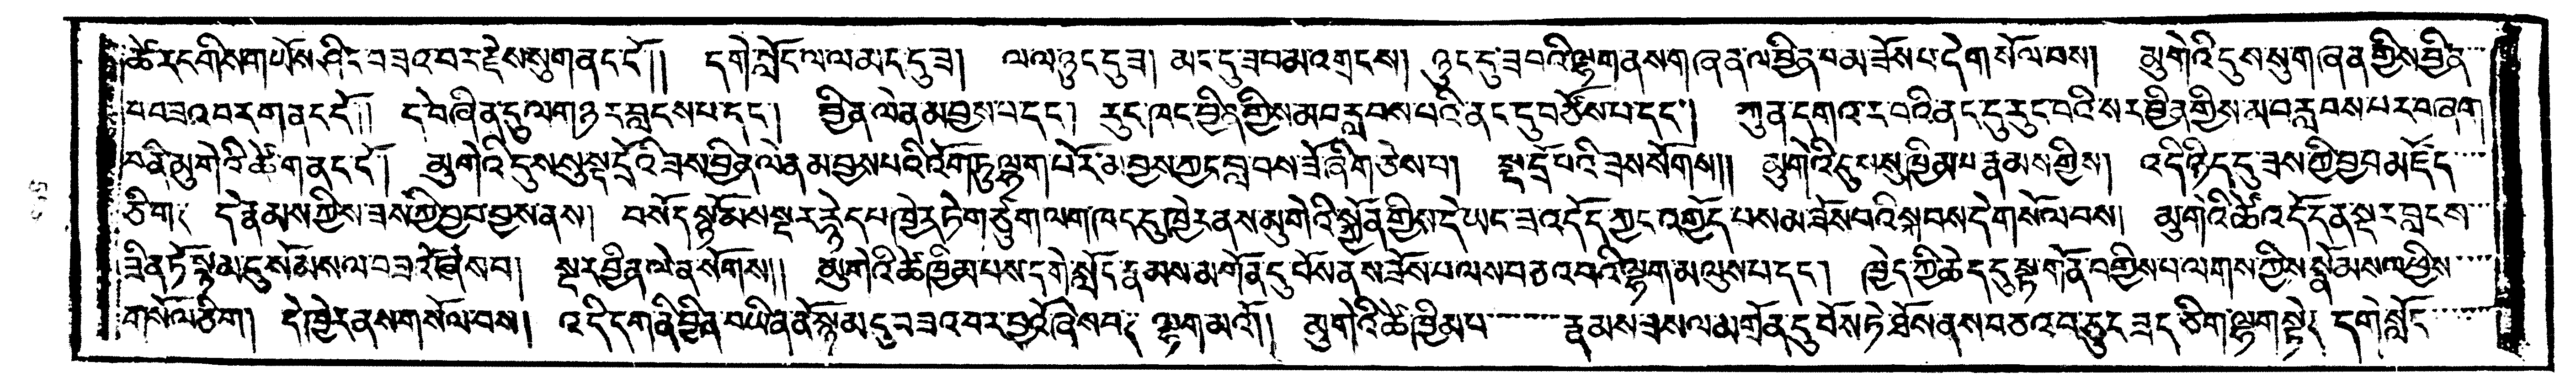ཚེ་རང་གིས་གཡོས་ཤིང་བཟའ་བར་རྗེས་སུ་གནང་ངོ།། དགེ་སློང་ལ་ལ་མང་དུ་ཟ། ལ་ལ་ཉུང་དུ་ཟ། མང་དུ་ཟབ་མ་འགྲངས། ཉུང་དུ་ཟ་བའི་ལྷག་ནས་གཞན་ལ་བྱིན་པ་མ་ཟོས་པ་དེ་གསོལ་བས། མུ་གེའི་དུས་སུ་གཞན་གྱིས་བྱིན་
པ་བཟའ་བར་གནང་ངོ།། དེ་བཞིན་དུ་ལག་ཉར་བླངས་པ་དང་། བྱིན་ལེན་མ་བྱས་པ་དང་། རུང་ཁང་བྱིན་གྱིས་མ་བརླབས་པའི་ནང་དུ་བཙོས་པ་དང་། ཀུན་དགའ་ར་བའི་ནང་དུ་རུང་བའི་སར་བྱིན་གྱིས་མ་བརླབས་པར་བཞག་
བ་ནི་མུ་གེའི་ཚེ་གནང་ངོ། མུ་གེའི་དུས་སུ་སྔ་དྲོའི་ཟས་བྱིན་ལེན་མ་བྱས་པའི་འོག་ཏུ་ལྷག་པོར་མ་བྱས་ཀྱང་བླ་བས་ཟོ་ཞིག་ཅེས་པ། སྔ་དྲོ་བའི་ཟས་སོགས།། མུ་གེའི་དུས་སུ་ཁྱིམ་པ་རྣམས་གྱིས། འདི་ཉིད་དུ་ཟས་ཀྱི་བྱ་བ་མཛོད་
ཅིག༑ དེ་རྣམས་ཀྱིས་ཟས་ཀྱི་བྱ་བ་བྱས་ནས། བསོད་སྙོམས་སྔར་རྙེད་པ་ཁྱེར་ཏེ་གཙུག་ལག་ཁང་དུ་ཁྱེར་ནས་མུ་གེའི་སྐྱོན་གྱིས་དེ་ཡང་ཟ་འདོད་ཀྱང་འགྱོད་པས་མ་ཟོས་པའི་སྐབས་དེ་གསོལ་བས། མུ་གེའི་ཚེ་འདོད་ན་སྔར་བླངས་
ཟིན་ཏོ་སྙམ་དུ་སོམས་ལ་བཟའོ་ཞེས་བ། སྔར་བྱིན་ལེན་སོགས།། མུ་གེའི་ཚེ་ཁྱིམ་པས་དགེ་སློང་རྣམས་མགོན་དུ་བོས་ནས་ཟོས་པ་ལས་བཅའ་བའི་ལྷག་མ་ལུས་པ་དང་། ཁྱེད་ཀྱི་ཆེད་དུ་སྟ་གོན་བགྱིས་པ་ལགས་ཀྱིས་སྣོམས་ལ་ཕྱིས་
གསོལ་ཅིག། དེ་ཁྱེར་ནས་གསོལ་བས། འདི་དག་ནི་བྱིན་པ་ཡིན་ནོ་སྙམ་དུ་བཟའ་བར་བྱའོ་ཞེས་བ༑ ལྷག་མའོ།། མུ་གེའི་ཚེ་ཁྱིམ་པ་རྣམས་ཟས་ལ་མགྲོན་དུ་བོས་ཏེ་ཐོས་ནས་བཅའ་བ་ཅུང་ཟད་ཅིག་ལྷག་སྟེ༑ དགེ་སློང་